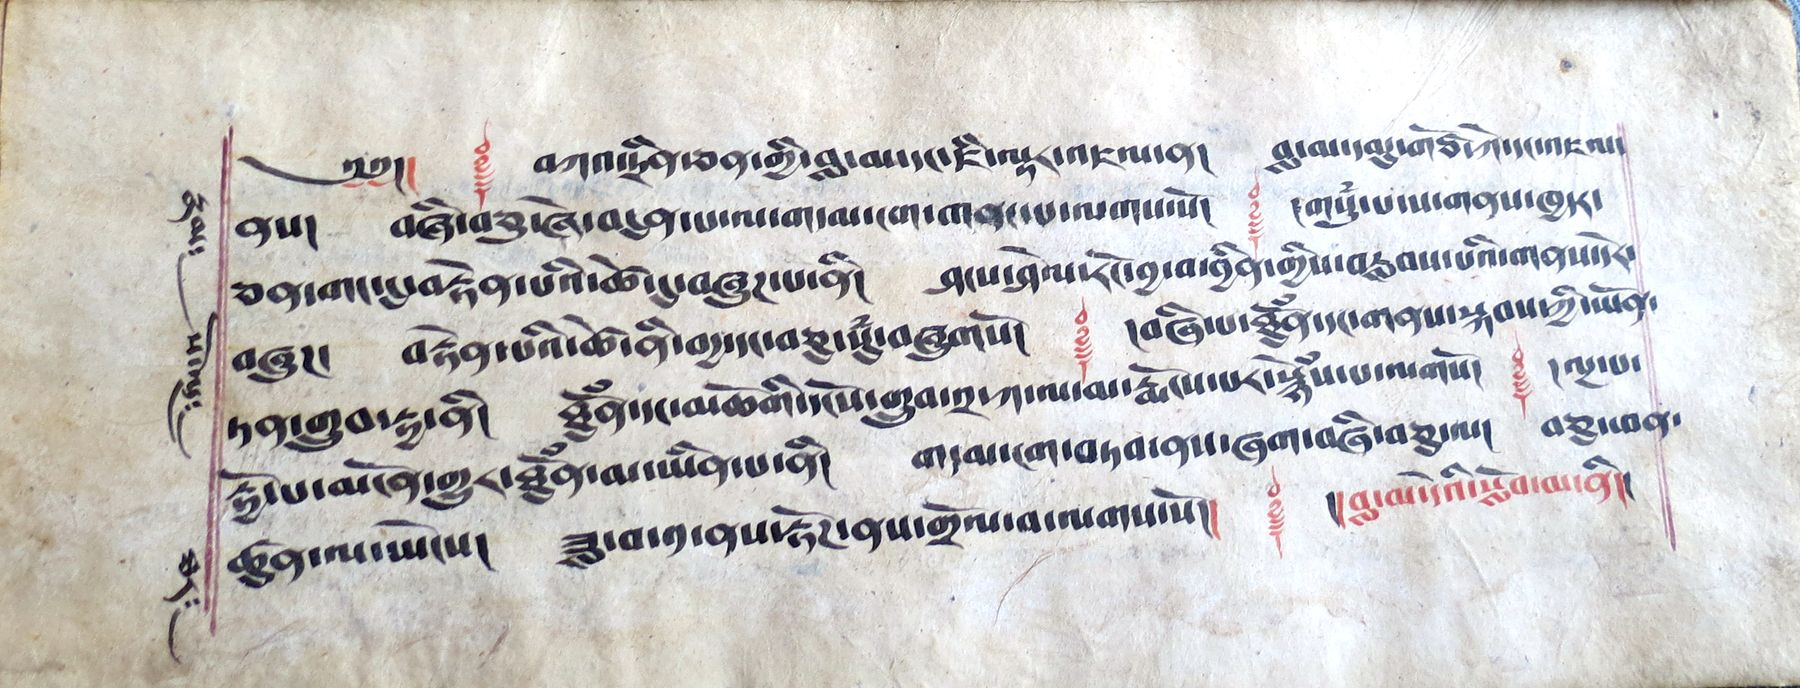བཀའ་དྲིན་ཅན་གྱི་བླ་མ་དང་ཅི་ལྟར་མཇལ་ན། བླ་མ་དམུ་ཙོག་གེ་དང་མཇལ་
ནས། བཞི་བཅུ་ཞེ་བདུན་པ་ལ་གདམས་ངག་གནང་བ་ལགས་སོ། ། གསུམ་པ་ས་གནས་ཁྱད་པར་
ཅན་གང་དུ་བརྟེན་པའི་ཚེ་དུ་བཞུགས་པ་ནི། ཤངས་ཤེལ་རོང་བྱ་བ་བྱིན་གྱིས་བརླབས་པའི་གནས་དེར་
བཞུགས། བརྟེན་པའི་ཚེ་ནི་བརྒྱ་དང་བཅུ་གསུམ་བཞུགས་སོ། ། བཞི་པ་ཐུན་མོང་དང་གནས་སྐབས་ཀྱི་ཡོན་
ཏན་གྲུབ་རྟགས་ནི། ཐུན་མོང་དང་མཆོག་གི་དངོས་གྲུབ་གཉིས་ཀ་ལ་མ་རྨོངས་པར་མངའ་བསྙེམས་པ་ལགས་སོ། ། ལྔ་པ་
རྟོགས་པ་མངོན་གྱུར་ཐུན་མོང་མ་ཡིན་པ་ནི། གདམས་ངག་བཏབ་ནས་ཞག་བཞི་བཅུ་ལ། བཅུ་ཕར་
ཚུར་ལ་ཡེངས། ཟླ་བ་གཅིག་ནས་རྟོགས་ནས་གྲོལ་བ་ལགས་སོ། ། བླ་མ་དེའི་སློབ་མ་ནི།